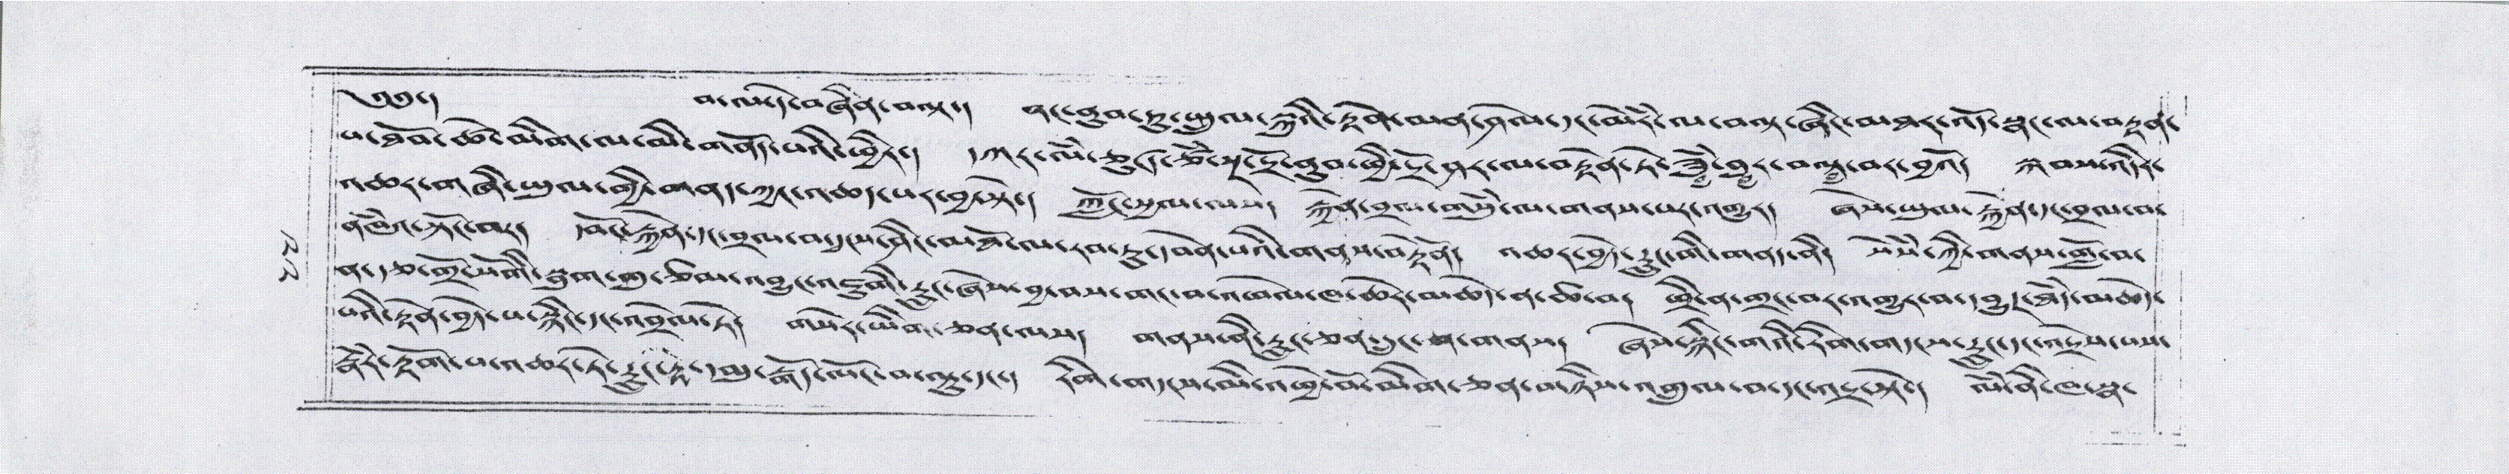བ་ལ་དེ་བཞིན་བལྟ། ནང་ནུབ་ཏུ་སྤྲུལ་སྐུའི་རྟེན་མན་ཤེལ་དང་མར་མེ་ལ་བལྟ་ཞིང་མཐར་འོད་སྣང་ལ་བརྟན་
པ་ཐོབ་ཚེ་མིག་ལ་མི་གནོད་པའི་ཕྱིར། དཀར་ལམ་ཅུང་ཟད་ཙམ་སྔ་དྲོ་ནུབ་ཕྱི་དྲོ་ཤར་ལ་བརྟེན་ཏེ་ཟུམ་བུར་བལྟ་བར་བྱའོ། སྐབས་འདིར་
འཆར་གཞི་ཡུལ་གྱི་གནད་ཀྱང་འཆད་པར་བྱ་སྟེ། ཀློང་གསལ་ལས། རྐྱེན་བྲལ་གསུམ་ལ་གནས་པར་འགྱུར། ཞེས་ཡུལ་རྐྱེན་དང་བྲལ་བ་
ནམ་མཁའ་སྟོང་པ། དབང་པོ་རྐྱེན་དང་བྲལ་བ་དྭངས་ཤིང་མཐོ་ལ་རབ་ཏུ་དབེན་པའི་གནས་བརྟེན་ནོ། འཆར་བྱེད་རླུང་གི་གནད་ནི། སེམས་ཀྱི་གནས་གློ་བ་
ན་རྩ་གྲོ་སོག་གི་སྦུ་གུ་ཙམ་འབྱུང་འཇུག་གི་རླུང་ཞེས་བྱ་བས་གང་བ་འཕེལ་ཁ་ཆེར་མཆེད་ན་ཚ་བ། ཕྲི་ན་གྲང་བར་འགྱུར་བ་དབུགས་ཐམས་ཅད་མཆེད་
པའི་རྟེན་བྱེད་པ་སྙིང་དང་འབྲེལ་ཏེ། གསེར་ཡིག་ཅན་ལས། གནས་ནི་རླུང་ཅན་དྲུང་ན་གནས། ཞེས་སྙིང་གའི་རིག་གདང་རླུང་དང་འདྲེས་པས་
རྣམ་པར་རྟོག་པ་འཆར་ཏེ་རླུང་རྟ་དམུ་རྒོད་ལོང་བ་ལྟ་བུ། རིག་གདངས་མི་འཕྱེ་བོ་མིག་ཅན་འགྲུལ་བ་དང་འདྲ་སྟེ། ལམ་ནི་ཁ་སྣ་